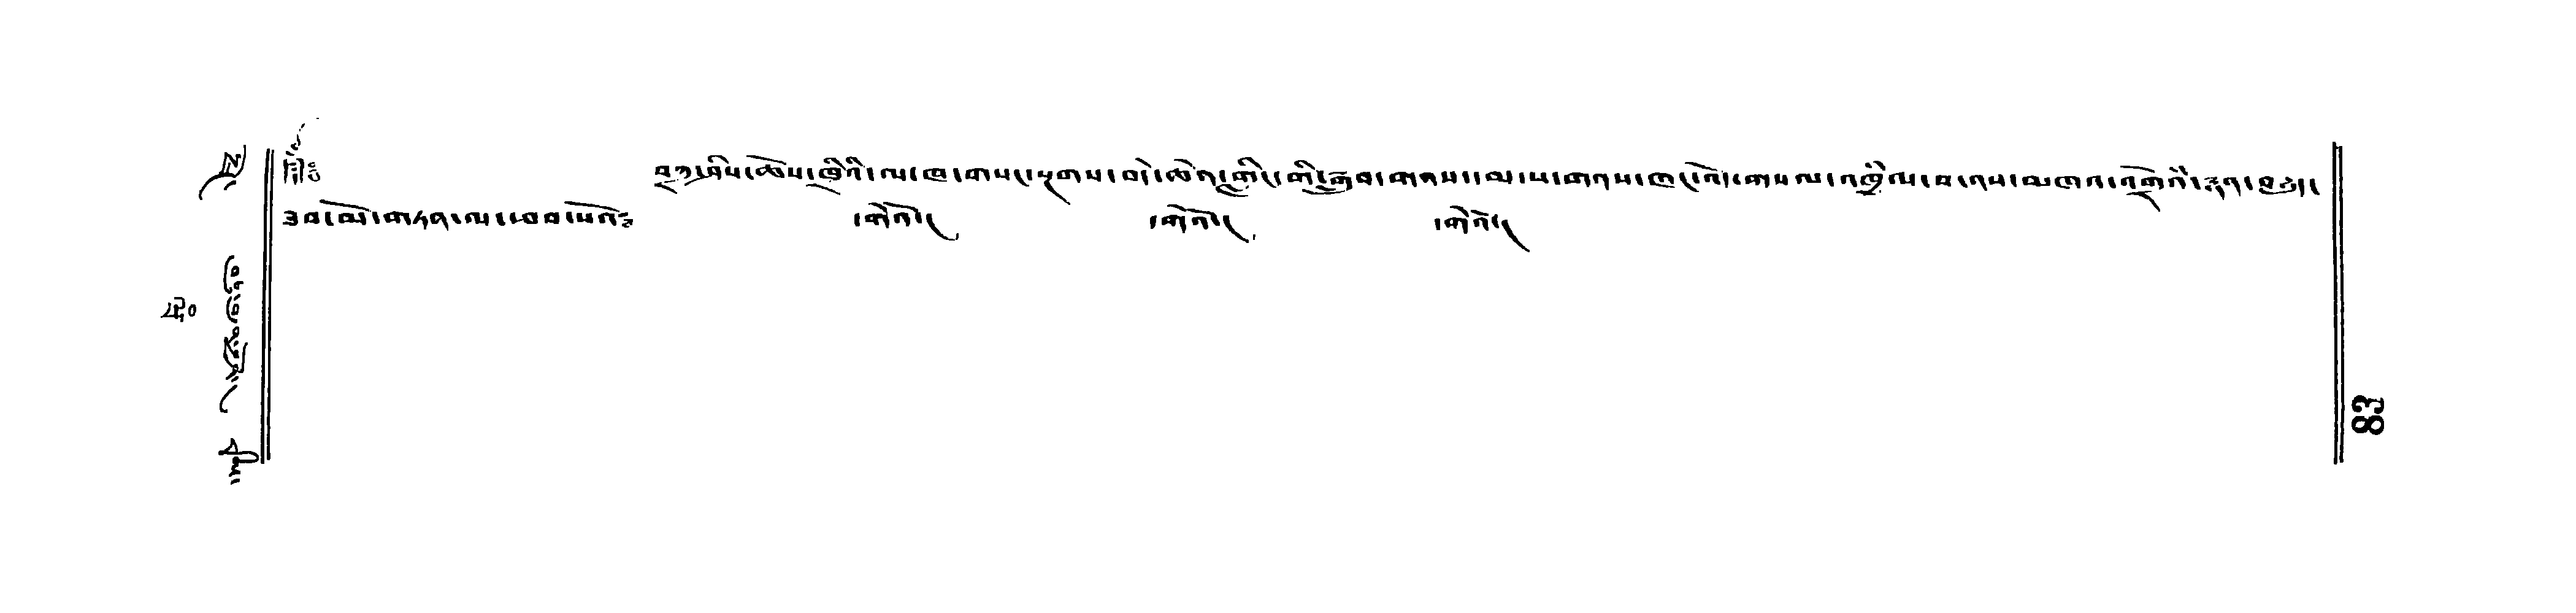བཀྲ་ཤིས་ཆོས་ཁྲིའི་ལ་ཁ་གསང་སྔགས་བདེ་ཆེན་གླིང་གི་སྒྲུབ་གནས་དམ་པ་གནས་ཁང་འོད་གསལ་འཁྱིལ་བ་ནས་མཁའ་འགྲོའི་སྙན་བརྒྱུད་
ཟབ་མོ་གཏན་ལ་ཕབ་པའོ།། དགེའོ།།